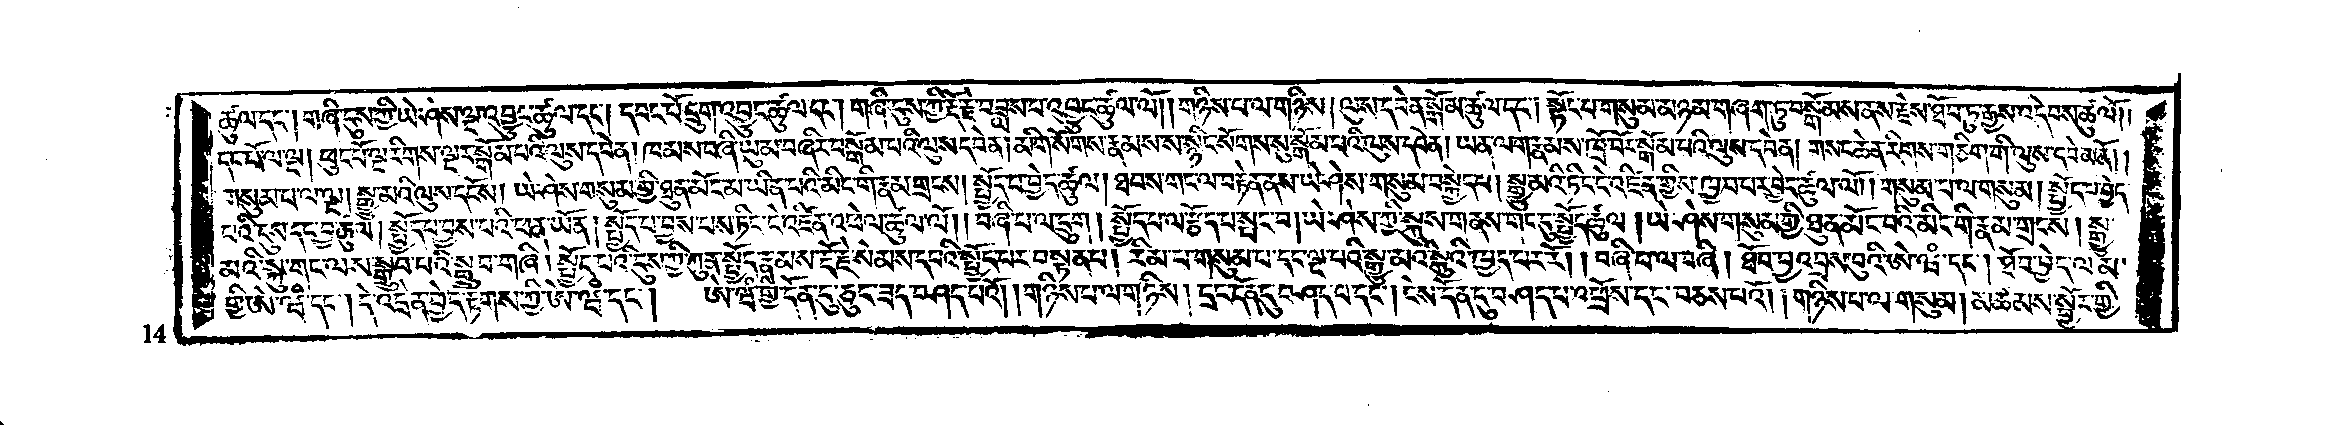ཚུལ་དང་། གཞི་དུས་ཀྱི་ཡེ་ཤེས་ལྔ་འབྱུང་ཚུལ་དང་། དབང་པོ་དྲུག་འབྱུང་ཚུལ་དང་། གཞི་དུས་ཀྱི་རྡོ་རྗེ་བཟླས་པ་འབྱུང་ཚུལ་ལོ། །གཉིས་པ་ལ་གཉིས། ལུས་དབེན་སྒོམ་ཚུལ་དང་། སྟོང་པ་གསུམ་མཉམ་གཞག་ཏུ་བསྒོམས་ནས་རྗེས་ཐོབ་ཏུ་རྒྱས་འདེབས་ཚུལ་ལོ། །
དང་པོ་ལ་ལྔ། ཕུང་པོ་ལྔ་རིགས་ལྔར་སྒོམ་པའི་ལུས་དབེན། ཁམས་བཞི་ཡུམ་བཞིར་བསྒོམ་པའི་ལུས་དབེན། མིག་སོགས་རྣམས་ས་སྙིང་སོགས་སུ་སྒོམ་པའི་ལུས་དབེན། ཡན་ལག་རྣམས་ཁྲོ་བོར་སྒོམ་པའི་ལུས་དབེན། གསང་ཆེན་རིགས་གཅིག་གི་ལུས་དབེན་ནོ། །
གསུམ་པ་ལ་ལྔ། སྒྱུ་མའི་ལུས་དངོས། ཡེ་ཤེས་གསུམ་གྱི་ཐུན་མོང་མ་ཡིན་པའི་མིང་གི་རྣམ་གྲངས། སྤྱོད་པ་བྱེད་ཚུལ། ཐབས་གང་ལ་བརྟེན་ནས་ཡེ་ཤེས་གསུམ་བསྐྱེད་པ། སྒྱུ་མའི་ཏིང་ངེ་འཛིན་གྱིས་ཁྱབ་པར་བྱེད་ཚུལ་ལོ། །གསུམ་པ་ལ་གསུམ། སྤྱོད་པ་བྱེད་
པའི་དུས་དང་བྱ་ཚུལ། སྤྱོད་པ་བྱས་པའི་ཕན་ཡོན། སྤྱོད་པ་བྱས་པས་ཏིང་ངེ་འཛིན་འཕེལ་ཚུལ་ལོ། །བཞི་པ་ལ་དྲུག །སྤྱོད་པ་ལ་རྩོད་པ་སྤང་བ། ཡེ་ཤེས་ཀྱི་སྐུས་གནས་གང་དུ་སྤྱོད་ཚུལ། ཡེ་ཤེས་གསུམ་གྱི་ཐུན་མོང་བའི་མིང་གི་རྣམ་གྲངས། སྒྱུ་
མའི་སྐུ་གང་ལས་སྒྲུབ་པའི་སྒྲུབ་གཞི། སྤྱོད་པའི་དུས་ཀྱི་ཀུན་སྤྱོད་རྣམས་རྡོ་རྗེ་སེམས་དཔའི་སྤྱོད་པར་བསྟན་པ། རིམ་པ་གསུམ་པ་དང་ལྔ་པའི་སྒྱུ་མའི་སྐུའི་ཁྱད་པར་རོ། །བཞི་པ་ལ་བཞི། ཐོབ་བྱ་འབྲས་བུའི་ཨེ་ཝཾ་དང་། ཐོབ་བྱེད་ལམ་
གྱི་ཨེ་ཝཾ་དང་། དེ་འདྲེན་བྱེད་རྟགས་ཀྱི་ཨེ་ཝཾ་དང་། ཨེ་ཝཾ་གྱི་དོན་དུ་ཅུང་ཟད་བཤད་པའོ། །གཉིས་པ་ལ་གཉིས། དྲང་དོན་དུ་བཤད་པ་དང་། ངེས་དོན་དུ་བཤད་པ་འཕྲོས་དང་བཅས་པའོ། །གཉིས་པ་ལ་གསུམ། མཚམས་སྦྱོར་གྱི་